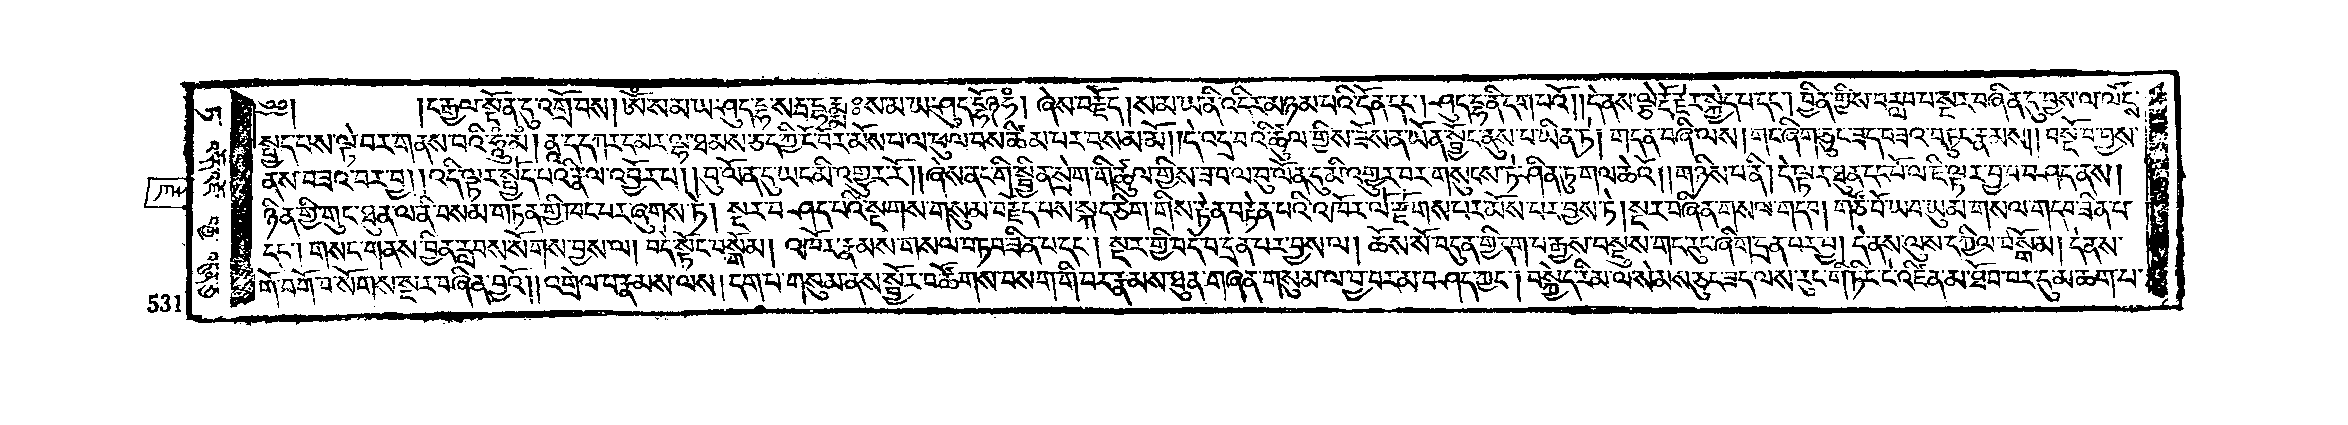༄༅། །ང་རྒྱལ་སྔོན་དུ་འགྲོ་བས། ཨོཾ་ས་མ་ཡ་ཤུད་དྷ་སརྦ་དྷརྨྨཿ ས་མ་ཡ་ཤུད་དྷོཉྷཾ། ཞེས་བརྗོད། ས་མ་ཡ་ནི་འདིར་མཉམ་པའི་དོན་དང་། ཤུད་དྷ་ནི་དག་པའོ། །དེ་ནས་ལྕེ་རྡོ་རྗེར་སྐྱེད་པ་དང་། བྱིན་གྱིས་བརླབ་པ་སྔར་བཞིན་དུ་བྱས་ལ་ལོངས་
སྤྱད་པས་ལྟེ་བར་གནས་བའི་ཧཱུཾ་མཾ། ནཱ་ད་དཀར་དམར་ལྷ་ཐམས་ཅད་ཀྱི་ངོ་བོར་མོས་པ་ལ་ཕུལ་བས་ཚིམ་པར་བསམ་མོ། །དེ་འདྲ་བའི་ཚུལ་གྱིས་ཟོས་ན་ཡོན་སྦྱོང་ནུས་པ་ཡིན་ཏེ། གདན་བཞི་ལས། གང་ཞིག་ཅུང་ཟད་བཟའ་བཏུང་རྣམས། །བསྔོ་བ་བྱས་
ནས་བཟའ་བར་བྱ། །འདི་ལྟར་སྤྱོད་པའི་རྣལ་འབྱོར་པ། །བུ་ལོན་དུ་ཡང་མི་འགྱུར་རོ། །ཞེས་ནང་གི་སྦྱིན་སྲེག་གི་ཚུལ་གྱིས་ཟ་བ་ལ་བུ་ལོན་དུ་མི་འགྱུར་བར་གསུངས་ཏེ་ཤིན་ཏུ་གལ་ཆེའོ། །གཉིས་པ་ནི། དེ་ལྟར་ཐུན་དང་པོ་ལ་ཇི་ལྟར་བྱ་བ་བཤད་ནས།
ཉིན་གྱི་གུང་ཐུན་ལ་ནི་བསམ་གཏན་གྱི་ཁང་པར་ཞུགས་ཏེ། སྔར་བཤད་པའི་སྔགས་གསུམ་བརྗོད་པས་སྐད་ཅིག་གིས་རྟེན་བརྟེན་པའི་འཁོར་ལོ་རྫོགས་པར་མོས་པར་བྱས་ཏེ། སྔར་བཞིན་གསལ་གདབ། གཙོ་བོ་ཡབ་ཡུམ་གསལ་གདབ་ཟིན་པ་
དང་། གསང་གནས་བྱིན་རླབས་སོགས་བྱས་ལ། བདེ་སྟོང་བསྒོམ། འཁོར་རྣམས་གསལ་བཏབ་ཟིན་པ་དང་། སྔར་གྱི་བདེ་བ་དྲན་པར་བྱས་ལ། ཆོས་སོ་བདུན་གྱི་དག་པ་རྒྱས་བསྡུས་གང་རུང་ཞིག་དྲན་པར་བྱ། དེ་ནས་ལུས་དཀྱིལ་བསྒོམ། དེ་ནས་
གོ་བགོ་བ་སོགས་སྔར་བཞིན་བྱའོ། །འགྲེལ་པ་རྣམས་ལས། དག་པ་གསུམ་ནས་སྦྱོར་བ་ཚོགས་བསག་གི་བར་རྣམས་ཐུན་གཞན་གསུམ་ལ་བྱ་བར་མ་བཤད་ཀྱང་། བསྐྱེད་རིམ་ལ་སེམས་ཅུང་ཟད་ལས་རུང་གི་ཏིང་ངེ་འཛིན་མ་ཐོབ་བར་དུ་མ་ཆག་པ་